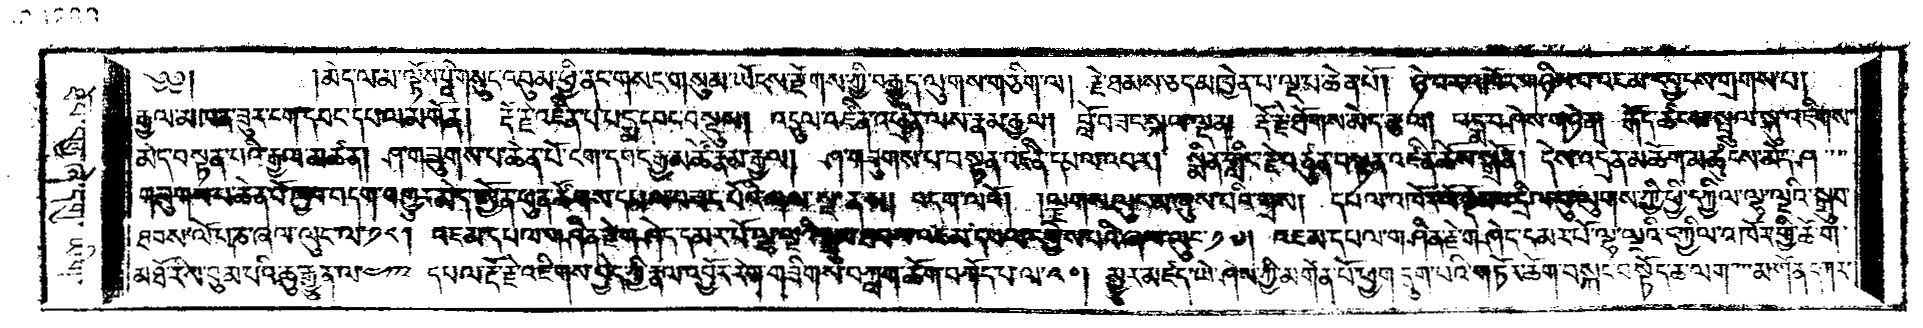༄༅། །མེད་ལ་མ་ལྟོས་པཱི་གསུང་འབུམ་ཕྱི་ནང་གསང་གསུམ་ཡོངས་རྫོགས་ཀྱི་བརྒྱུད་ལུགས་གཅིག་ལ། རྗེ་ཐམས་ཅད་མཁྱེན་པ་ལྔ་པ་ཆེན་པོ། ཉེ་བར་འཁོར་གཉིས་པ་འཇམ་དབྱངས་གྲགས་པ།
རྒྱལ་མཁན་ཟུར་ངག་དབང་དཔལ་མགོན། རྡོ་རྗེ་འཛིན་པ་པདམ་དབང་བསྡུས། འདུལ་འཛིན་འཕྲིན་ལས་རྣམ་རྒྱལ། བློ་བཟང་སྐལ་ལྡན། རྡོ་རྗེ་ཐོགས་མེད་རྩལ། པདམ་བཤེས་གཉེན། རྒོད་ཚངས་སྤྲུལ་སྐུ་འཇིགས་
མེད་བསྟན་པའི་རྒྱལ་མཚན། ཤ་གཟུགས་པ་ཆེན་པོ་ངག་དབང་རྒྱ་མཚོ་རྣམ་རྒྱལ། ཤ་གཟུགས་པ་བསྟན་འཛིན་དཔལ་འབར། སྨིན་གླིང་རྗེ་བཙུན་བསྟན་འཛིན་ཆོས་སྒྲོན། དེས་འདྲེན་མཆོག་མཚུངས་མེད་ཤ་
གཟུགས་པ་ཆེན་པོ་ཁྱབ་བདག་འགྱུར་མེད་ཨཡོན་ཕུན་ཚོགས་དཔལ་བཟང་པོའི་ཞལ་སྔ་ནས། བདག་ལའོ། །ལྗགས་ལུང་མ་ཞུས་པའི་གྲས། དཔལ་འཁོར་ལོ་སྡོམ་པ་དྲིལ་བུ་ལུགས་ཀྱི་ཕྱི་དཀྱིལ་ལྷ་ལྔའི་སྒྲུབ་
ཐབས་ལོ་པཎ་ཞལ་ལུང་ལ ༡༨། འཇམ་དཔལ་གཤིན་རྗེ་གཤེད་དམར་པོ་ལྷ་ལྔའི་སྒྲུབ་ཐབས་འཇམ་དཔལ་དགྱེས་པའི་ཞལ་ལུང ༡༧། འཇམ་དཔལ་གཤིན་རྗེ་གཤེད་དམར་པོ་ལྷ་ལྔའི་དཀྱིལ་འཁོར་གྱི་ཆོ་ག་
མཐོ་རིས་བུམ་པའི་ཆུ་རྒྱུན་ལ ༤༣་དཔལ་རྡོ་རྗེ་འཇིགས་བྱེད་ཀྱི་རྣལ་འབྱོར་རེག་གཟིགས་བཀླག་ཆོག་བཀོད་པ་ལ ༢༠། མྱུར་མཛད་ཡེ་ཤེས་ཀྱི་མགོན་པོ་ཕྱག་དྲུག་པའི་གཏོར་ཆོག་བསྐང་བསྟོད་ཆ་ལག་མགོན་དཀར་